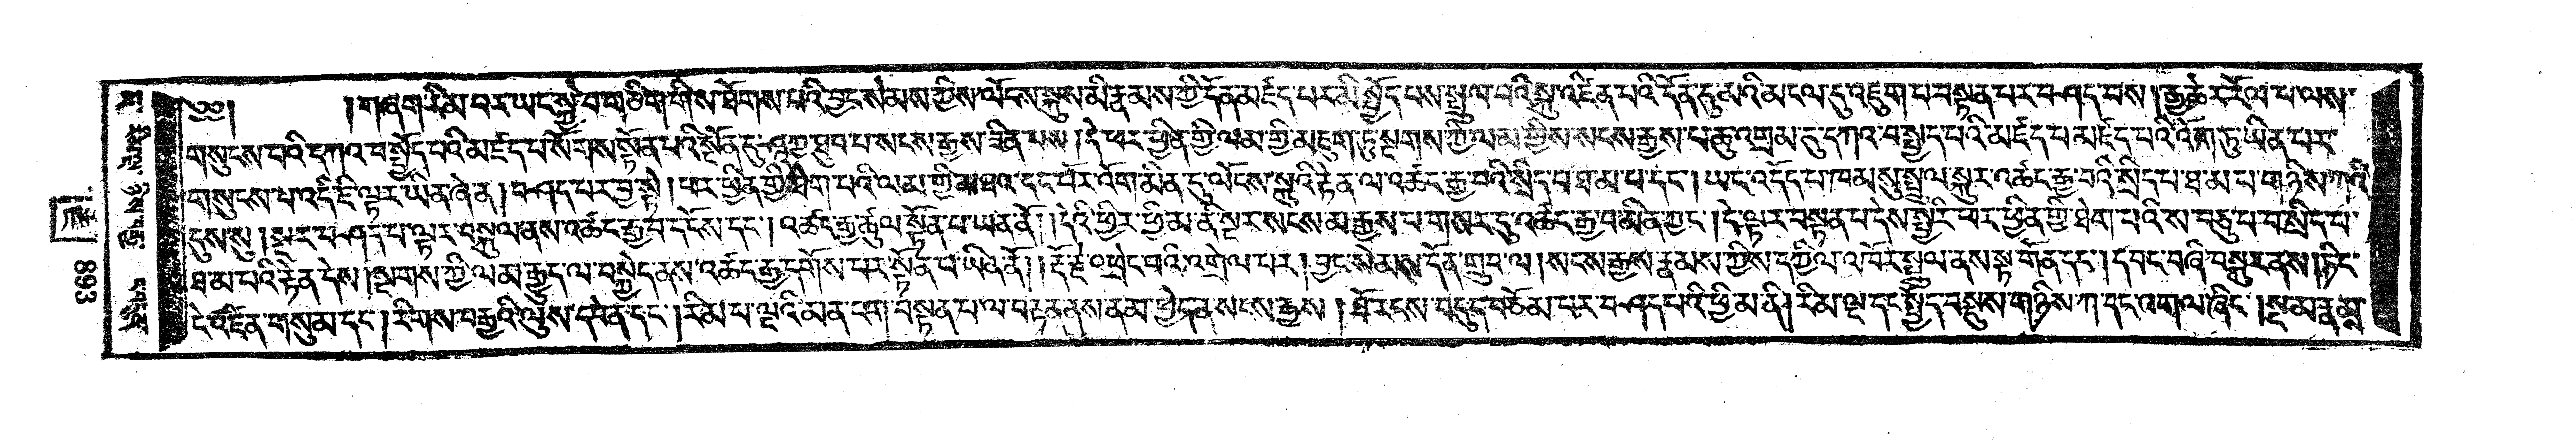༄༅། །གཞག་རིམ་པར་ཡང་སྐྱེ་བ་གཅིག་གིས་ཐོགས་པའི་བྱང་སེམས་ཀྱིས་ལོངས་སྐུས་མི་རྣམས་ཀྱི་དོན་མཛད་པར་མི་སྤྱོད་པས་སྤྲུལ་བའི་སྐུ་འཛིན་པའི་དོན་དུ་མའི་མངལ་དུ་འཇུག་པ་བསྟན་པར་བཤད་པས། རྒྱ་ཆེར་རོལ་པ་ལས་
གསུངས་པའི་དཀའ་བ་སྤྱོད་པའི་མཛད་པ་སོགས་སྟོན་པའི་སྔོན་དུ་ཤཱཀྱ་ཐུབ་པ་སངས་རྒྱས་ཟིན་པས། དེ་ཕར་ཕྱིན་གྱི་ལམ་གྱི་མཇུག་ཏུ་སྔགས་ཀྱི་ལམ་གྱིས་སངས་རྒྱས་པ་ཆུ་འགྲམ་དུ་དཀའ་བ་སྤྱད་པའི་མཛད་པ་མཛད་པའི་འོག་ཏུ་ཡིན་པར་
གསུངས་པ་འདི་ཇི་ལྟར་ཡིན་ཞེ་ན། བཤད་པར་བྱ་སྟེ། ཕར་ཕྱིན་གྱི་ཐེག་པའི་ལམ་གྱི་མཐའ་དང་པོར་འོག་མིན་དུ་ལོངས་སྐུའི་རྟེན་ལ་འཚང་རྒྱ་བའི་སྲིད་པ་ཐ་མ་པ་དང་། ཡང་འདོད་པ་ཁམས་སུ་སྤྲུལ་སྐུར་འཚང་རྒྱ་བའི་སྲིད་པ་ཐ་མ་པ་གཉིས་ཀའི་
དུས་སུ། སྔར་བཤད་པ་ལྟར་བསྐུལ་ནས་འཚང་རྒྱ་བ་དངོས་དང་། འཚང་རྒྱ་ཚུལ་སྟོན་པ་ཡིན་ནོ། །དེའི་ཕྱིར་ཕྱི་མ་ནི་སྔར་སངས་མ་རྒྱས་པ་གསར་དུ་འཚང་རྒྱ་བ་མིན་ཀྱང་། དེ་ལྟར་བསྟན་པ་དེས་སྤྱིར་ཕར་ཕྱིན་གྱི་ཐེག་པའི་ས་བཅུ་པ་བ་སྲིད་པ་
ཐ་མ་པའི་རྟེན་དེས། སྔགས་ཀྱི་ལམ་རྒྱུད་ལ་བསྐྱེད་ནས་འཚང་རྒྱ་དགོས་པར་སྟོན་པ་ཡིན་ནོ། །རྡོ་རྗེ་འཕྲེང་བའི་འགྲེལ་པར། བྱང་སེམས་དོན་གྲུབ་ལ། སངས་རྒྱས་རྣམས་ཀྱིས་དཀྱིལ་འཁོར་སྤྲུལ་ནས་སྟ་གོན་དང་། དབང་བཞི་བསྐུར་ནས། ཏིང་
ངེ་འཛིན་གསུམ་དང་། རིགས་བརྒྱའི་ལུས་དབེན་དང་། རིམ་པ་ལྔའི་མན་ངག་བསྟན་པ་ལ་བརྟེན་ནས་ནམ་ཕྱེད་ན་སངས་རྒྱས། ཐོ་རངས་བདུད་བཅོམ་པར་བཤད་པའི་ཕྱི་མ་ནི། རིམ་ལྔ་དང་སྤྱོད་བསྡུས་གཉིས་ཀ་དང་འགལ་ཞིང་། སྔ་མ་རྣམས་